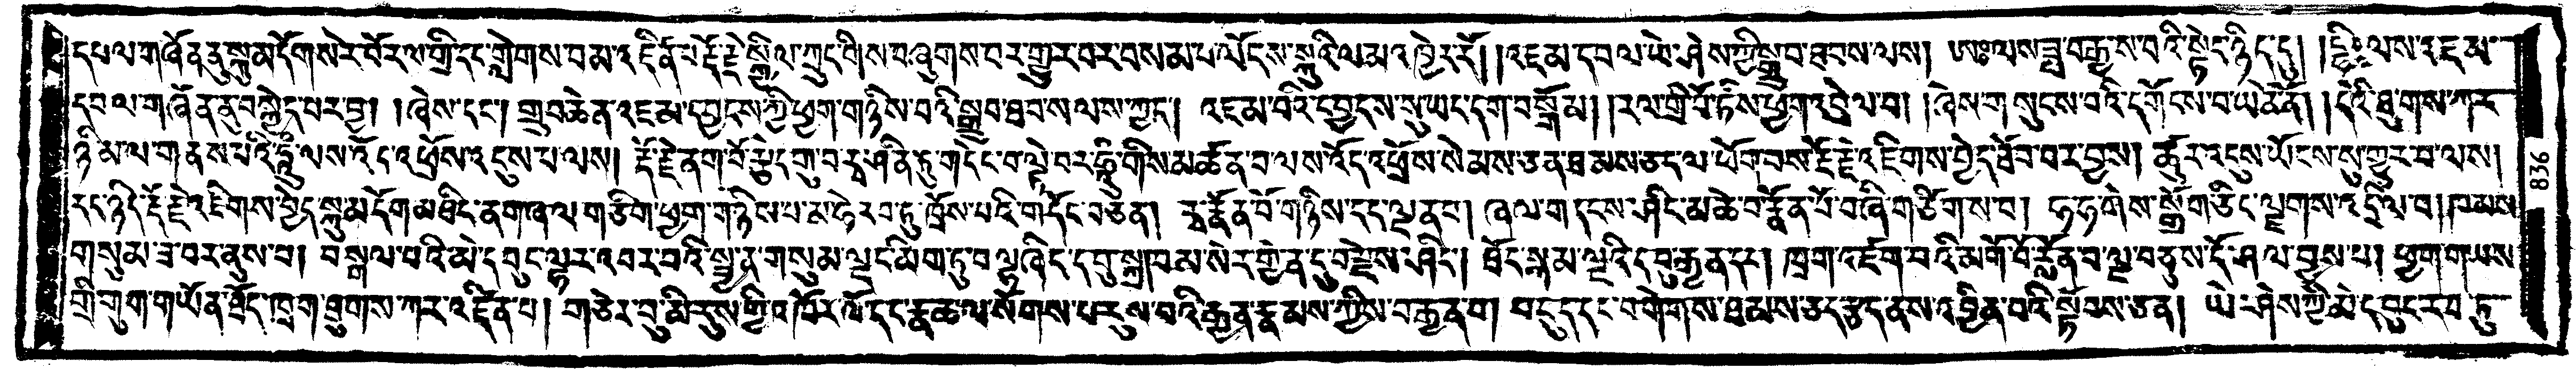དཔལ་གཞོན་ནུ་སྐུ་མདོག་སེར་བོ་རལ་གྲི་དང་གླེགས་བམ་འཛིན་པ་རྡོ་རྗེ་སྐྱིལ་ཀྲུང་གིས་བཞུགས་བར་གྱུར་བར་བསམ་པ་ལོངས་སྐུའི་ལམ་འཁྱེར་རོ། །འཇམ་དཔལ་ཡེ་ཤེས་ཀྱི་སྒྲུབ་ཐབས་ལས། ཨཿ ལས་ཟླ་བ་རྒྱ་ས་བའི་སྟེང་ཉིད་དུ། །དྷིཿ ལས་འཇམ་
དཔལ་གཞོན་ནུ་བསྐྱེད་པར་བྱ། །ཞེས་དང་། གྲུབ་ཆེན་འཇམ་དབྱངས་ཀྱི་ཕྱག་གཉིས་བའི་སྒྲུབ་ཐབས་ལས་ཀྱང་། འཇམ་བའི་དབྱངས་སུ་ཡང་དག་བསྒོམ། །རལ་གྲི་པོ་ཏིས་ཕྱོག་འབྲེལ་བ། །ཞེས་གསུངས་བའི་དགོངས་བ་ཡིན་ནོ། །དེའི་ཐུགས་ཀར་
ཉི་མ་ལ་གནས་པའི་ཧཱུཾ་ལས་འོད་འཕྲོས་འདུས་པ་ལས། རྡོ་རྗེ་ནག་བོ་རྩེ་དགུ་བ་རྭ་ཤིན་ཏུ་གདེང་བ་ལྟེ་བར་ཧཱུཾ་གིས་མཚན་པ་ལས་འོད་འཕྲོས་སེམས་ཅན་ཐམས་ཅད་ལ་ཕོག་བས་རྡོ་རྗེ་འཇིགས་བྱེད་ཐོབ་བར་བྱས། ཚུར་འདུས་ཡོངས་སུ་གྱུར་བ་ལས།
རང་ཉིད་རྡོ་རྗེ་འཇིགས་བྱེད་སྐུ་མདོག་མཐིང་ནག་ཞལ་གཅིག་ཕྱག་གཉིས་པ་མ་ཧེ་རབ་ཏུ་ཁྲོས་པའི་གདོང་བཅན། རྭ་རྣོན་བོ་གཉིས་དང་ལྡན་པ། ཞལ་གདངས་ཤིང་མཆེ་བ་རྣོན་པོ་བཞི་གཙིགས་པ། ཧ་ཧ་ཞེས་སྒྲོག་ཅིང་ལྗགས་འདྲིལ་བ། ཁམས་
གསུམ་ཟ་བར་ནུས་པ། བསྐལ་བའི་མེ་དབུང་ལྟར་འབར་བའི་སྤྱན་གསུམ་ལྔད་མིག་ཏུ་བལྟ་ཞིང་དབུ་སྐྲ་ཁམ་སེར་གྱེན་དུ་བརྫེས་ཤིང་། ཐོང་སྐམ་ལྔའི་དབུ་རྒྱན་དང་། ཁྲག་འཛག་བའི་མགོ་བོ་རློན་བ་ལྔ་བཅུས་དོ་ཤལ་བྱས་པ། ཕྱག་གཡས་
གྲི་གུག་གཡོན་ཐོད་ཁྲག་ཐུགས་ཀར་འཛིན་པ། གཅེར་བུ་མི་རུས་ཀྱི་འཁོར་ལོ་དང་རྣ་ཆ་ལ་སོགས་པ་རུས་བའི་རྒྱན་རྣམས་ཀྱིས་བརྒྱན་པ། བདུད་དང་བགེགས་ཐམས་ཅད་རྩད་ནས་འབྱིན་པའི་སྟོབས་ཅན། ཡེ་ཤེས་ཀྱི་མེད་བར་རབ་ཏུ་